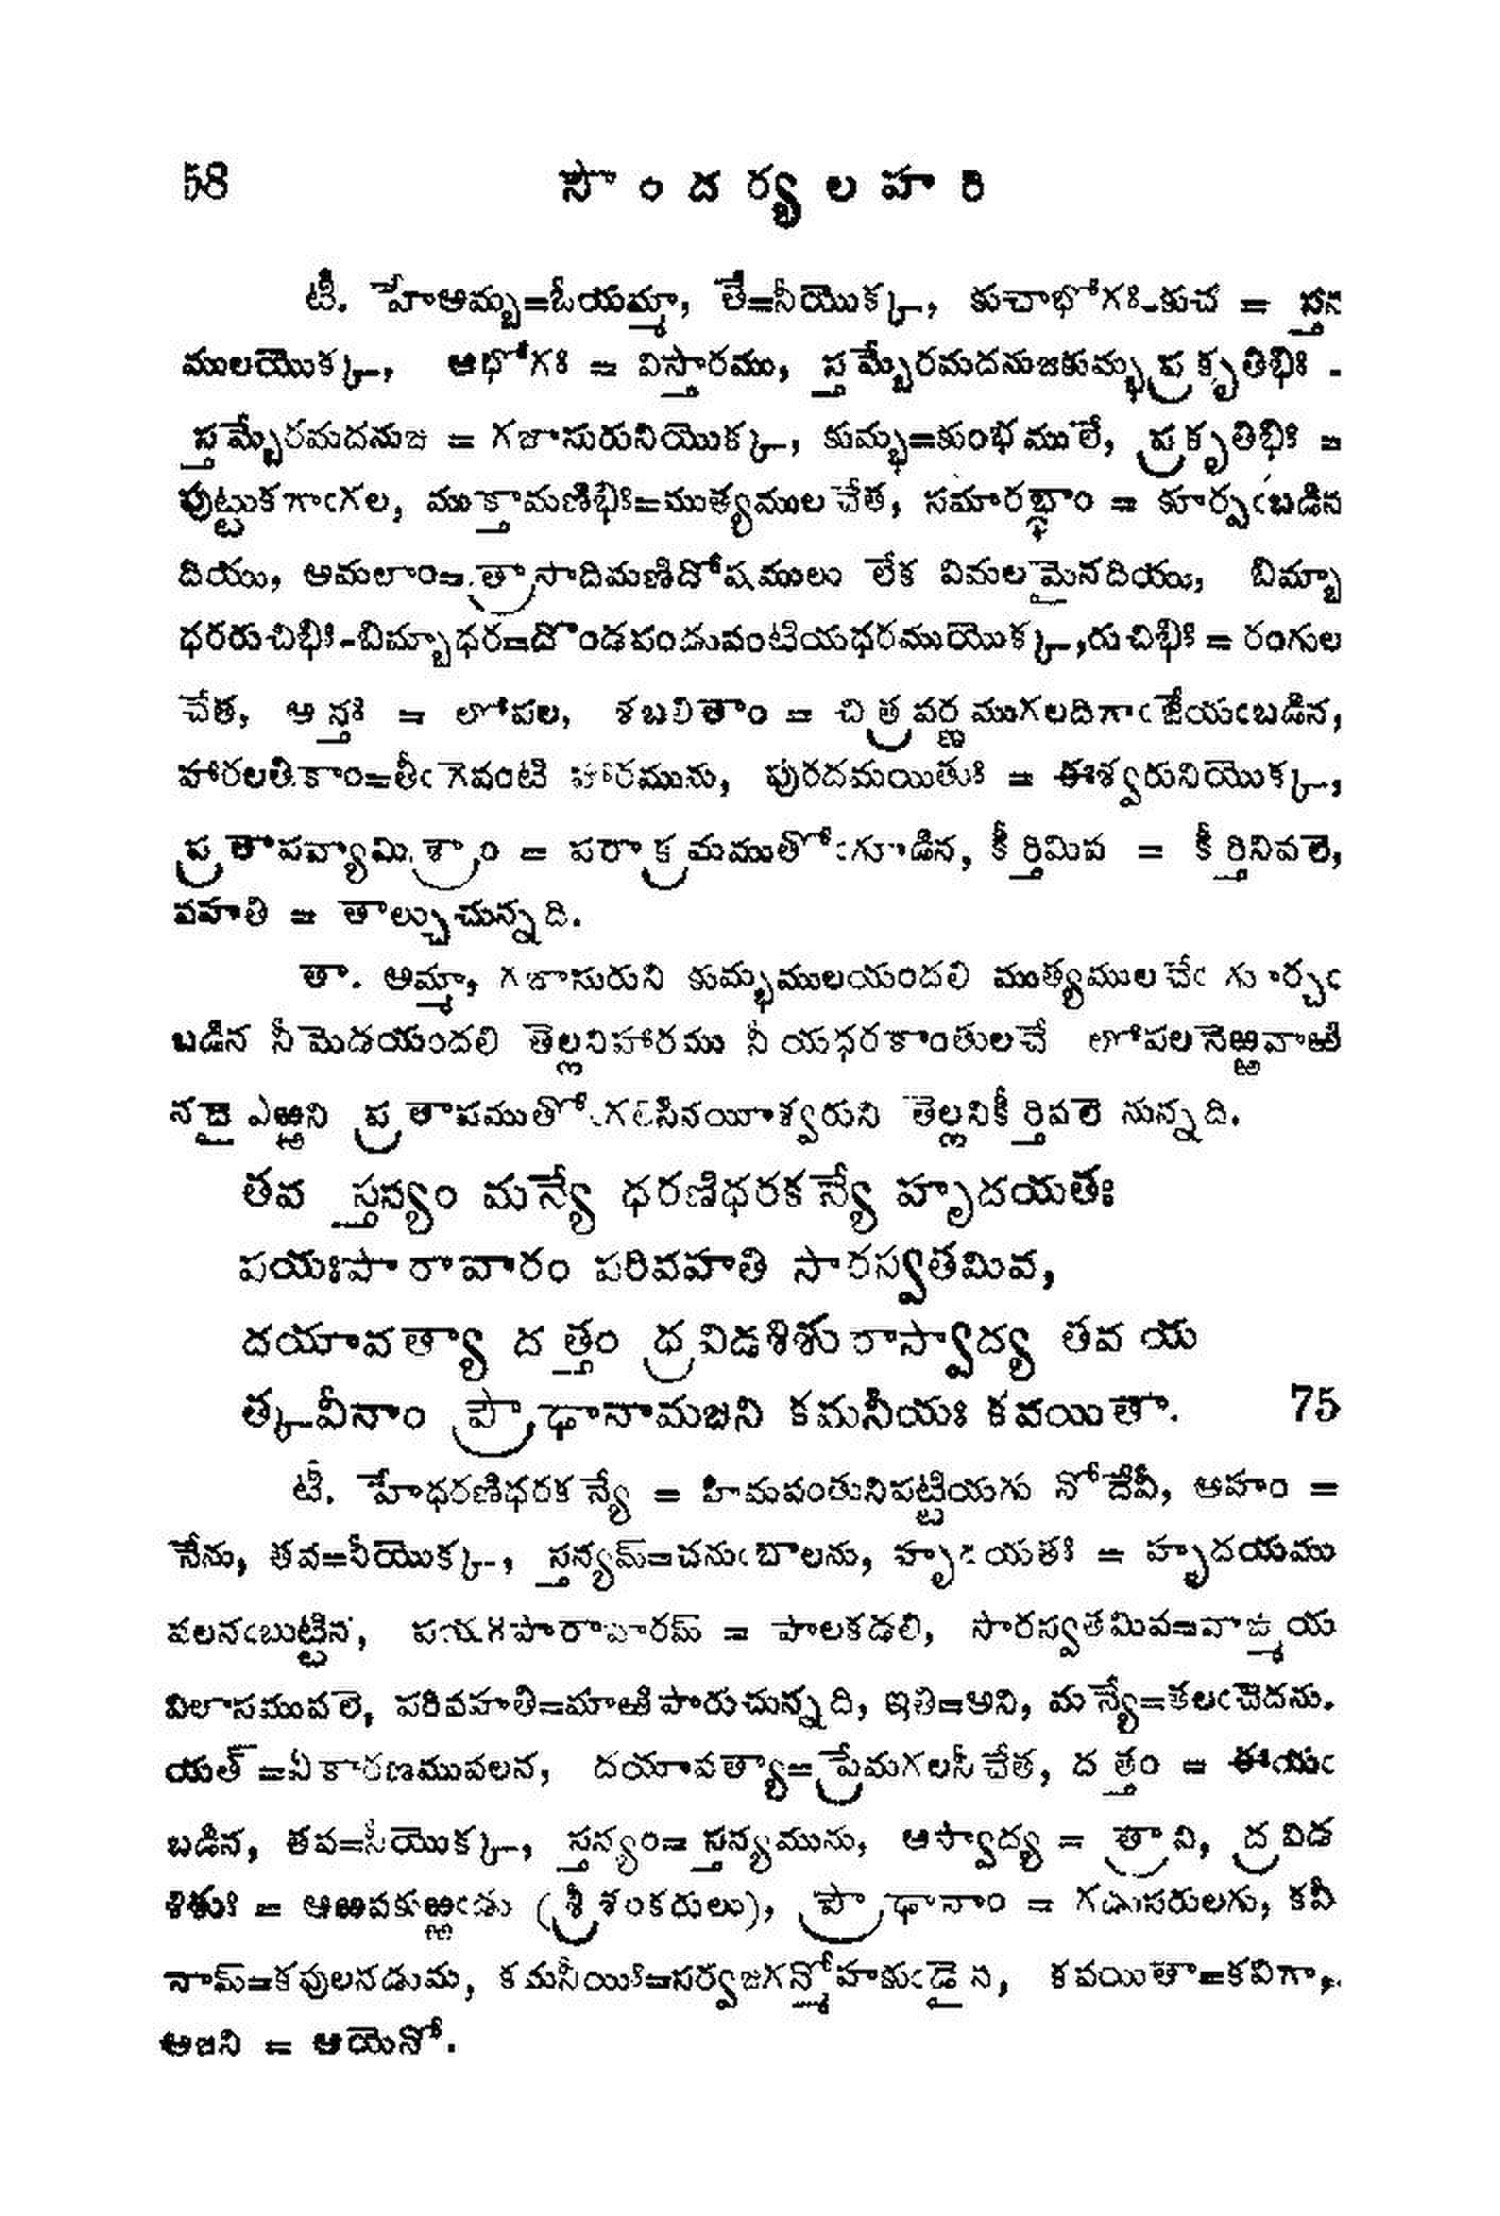టీ. హేఅమ్బ = ఓయమ్మా, తే = నీయొక్క, కుచాభోగః-కుచ = స్తనములయొక్క, ఆభోగః = విస్తారము, స్తమ్బేరమదనుజకుమ్భప్రకృతిభిః-స్తమ్బేరమదనుజ = గజాసురునియొక్క, కుమ్భ = కుంభములే, ప్రకృతిభిః = పుట్టుకగాఁగల, ముక్తామణిభిః = ముత్యములచేత, సమారబ్ధాం = కూర్పఁబడినదియు, అమలాం = త్రాసాదిమణిదోషములు లేక విమలమైనదియు, బిమ్బాధరరుచిభిః-బిమ్బాధర = దొండపండువంటియధరముయొక్క, రుచిభిః = రంగులచేత, అన్తః = లోపల, శబలితాం = చిత్రవర్ణముగలదిగాఁజేయఁబడిన, హారలతికాం = తీఁగెవంటి హారమును, పురదమయితుః = ఈశ్వరునియొక్క, ప్రతాపవ్యామిశ్రాం = పరాక్రమముతోఁగూడిన, కీర్తిమివ = కీర్తినివలె, వహతి = తాల్చుచున్నది. 

తా. అమ్మా, గజాసురుని కుమ్భములయందలి ముత్యములచేఁ గూర్చఁబడిన నీ మెడయందలి తెల్లనిహారము నీ యధరకాంతులచే లోపలనెఱ్ఱవాఱినదై ఎఱ్ఱని ప్రతాపముతోఁగలిసినయీశ్వరుని తెల్లనికీర్తివలె నున్నది. 

తవ స్తన్యం మన్యే ధరణిధరకన్యే హృదయతః
పయఃపారావారం పరివహతి సారస్వతమివ,
దయావత్యా దత్తం ద్రవిడశిశురాస్వాద్య తవ య
త్కవీనాం ప్రౌఢానామజని కమనీయః కవయితా. 75
టీ. హేధరణిధరకన్యే = హిమవంతునిపట్టియగు నోదేవీ, అహం = నేను, తవ = నీయొక్క, స్తన్యమ్ = చనుఁబాలను, హృదయతః = హృదయమువలనఁబుట్టిన, పయఃపారావారమ్ = పాలకడలి, సారస్వతమివ = వాఙ్మయ విలాసమువలె, పరివహతి = మాఱిపారుచున్నది, ఇతి = అని, మన్యే = తలఁచెదను, యత్ = ఏకారణమువలన, దయావత్యా = ప్రేమగలనీచేత, దత్తం = ఈయఁబడిన, తవ = నీయొక్క, స్తన్యం = స్తన్యమును, అస్వాద్య = త్రావి, ద్రవిడశిశుః = అఱవకుఱ్ఱఁడు (శ్రీశంకరులు), ప్రౌఢానాం = గడుసరులగు, కవీనామ్ = కవులనడుమ, కమనీయిః = సర్వజగన్మోహకుఁడైన, కవయితా = కవిగా, అజని = ఆయెనో.